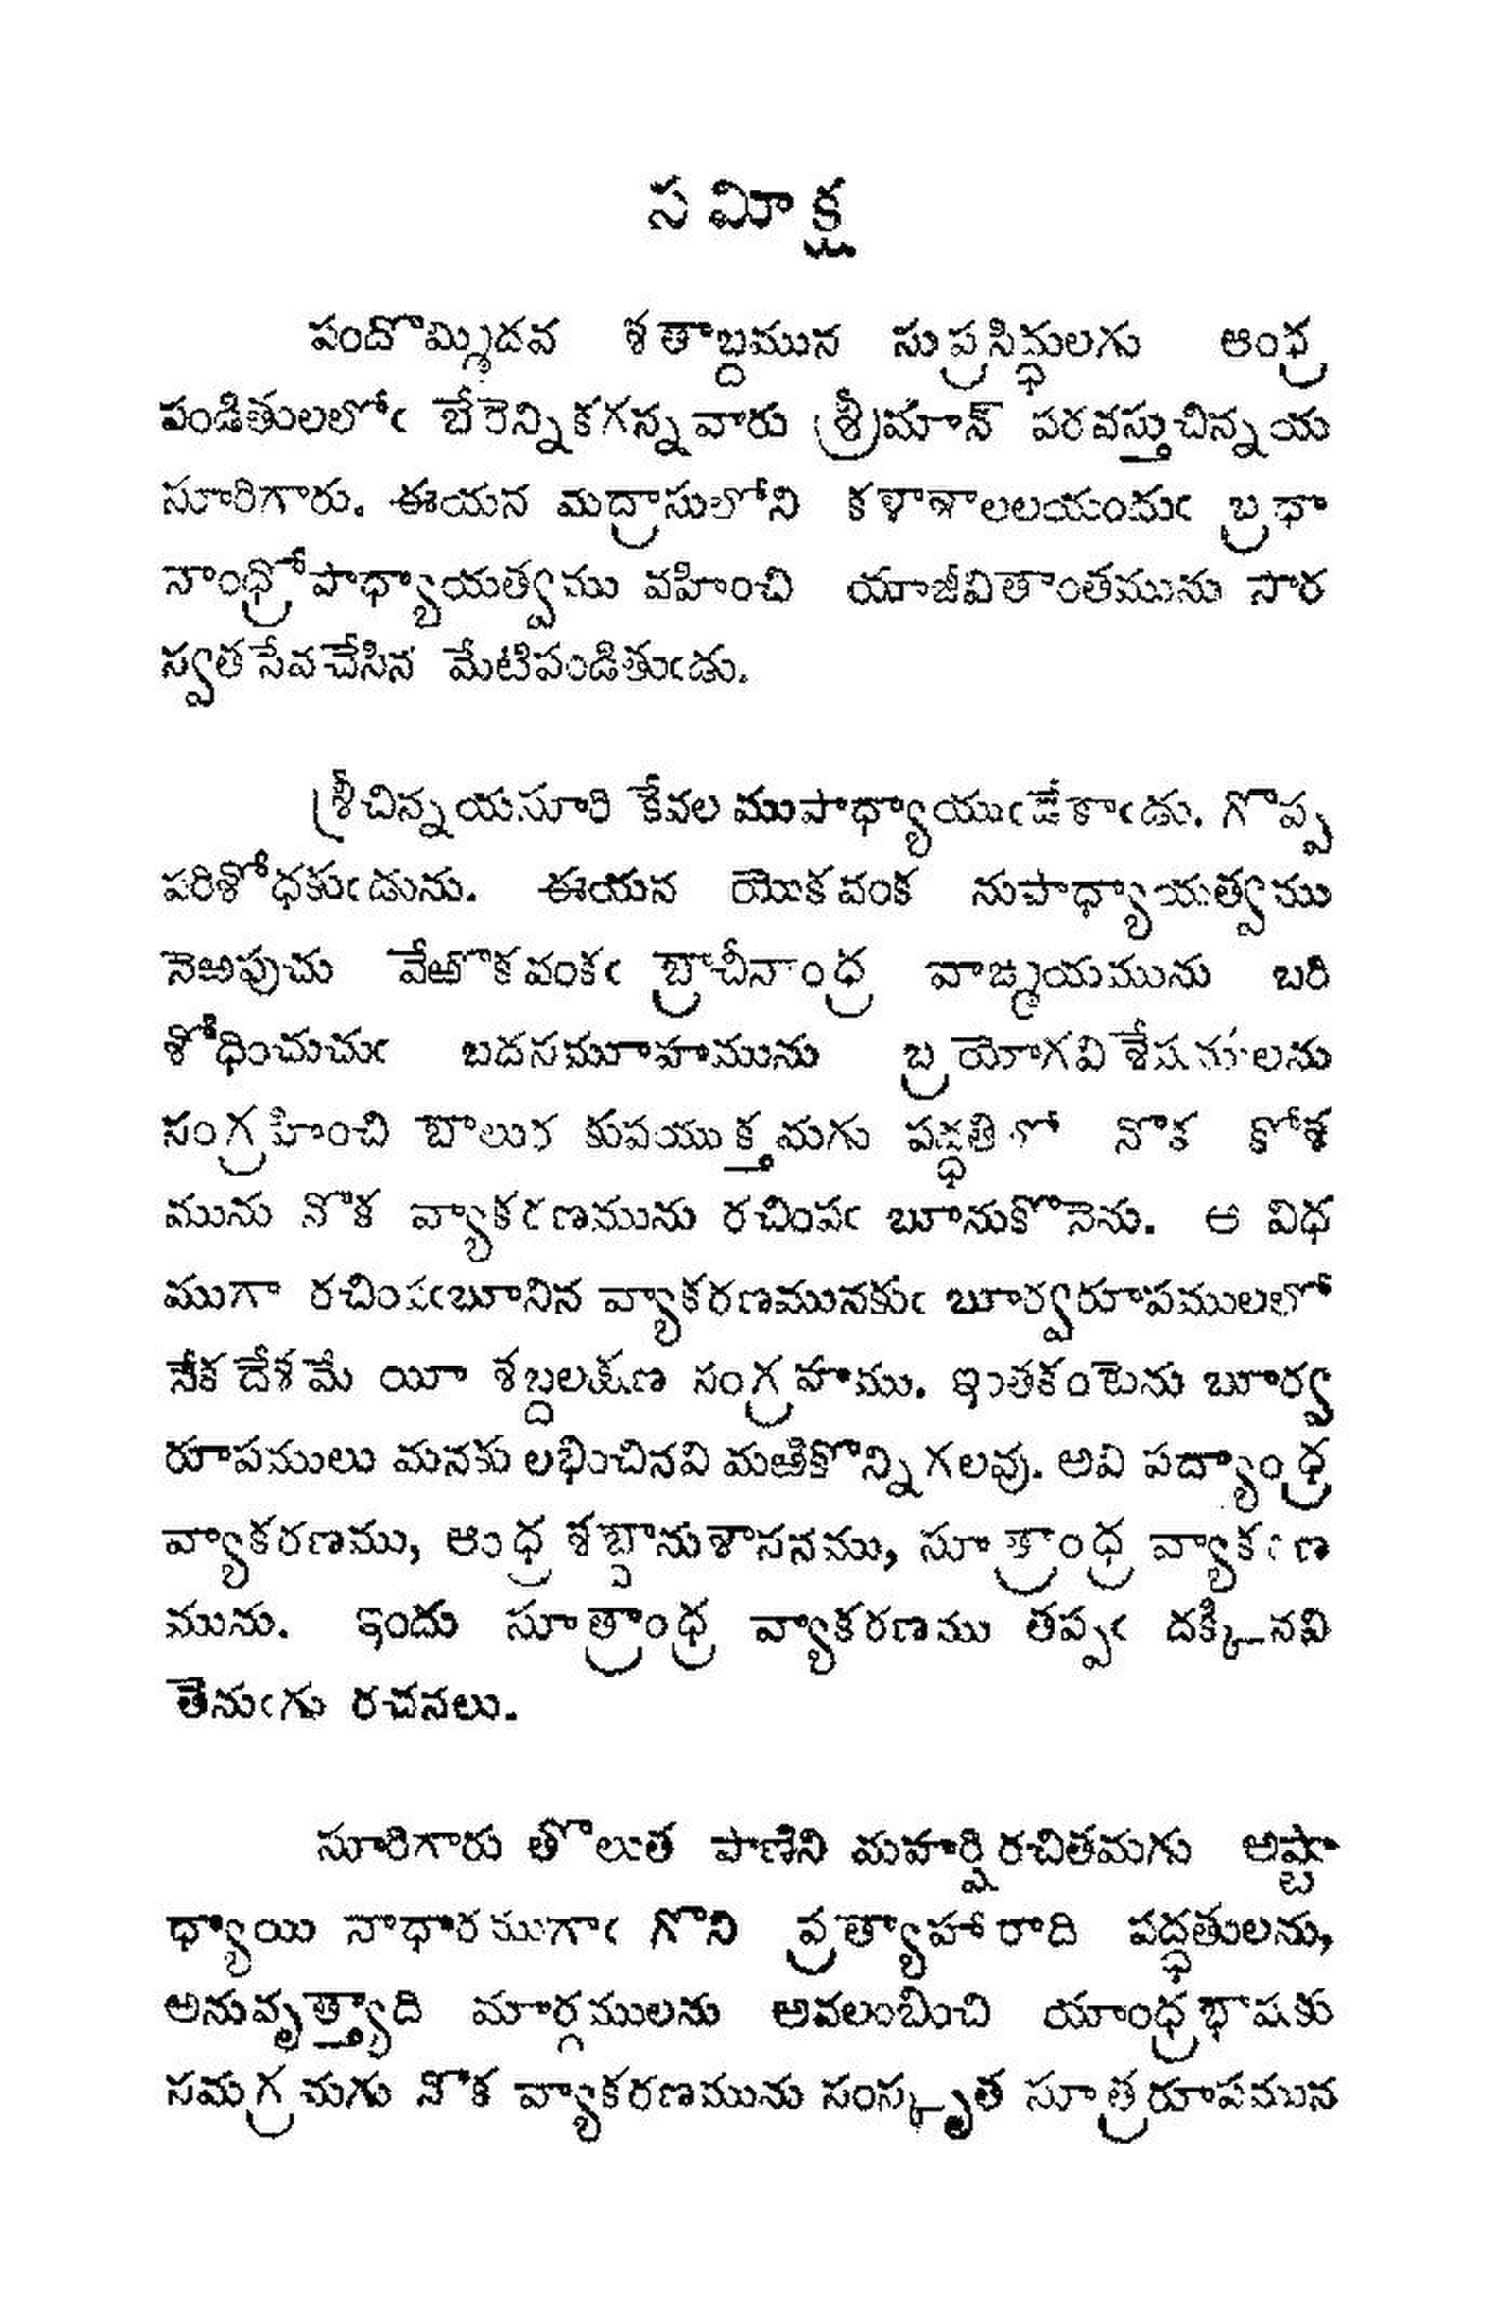సమీక్ష 

పందొమ్మిదవ శతాబ్దమున సుప్రసిద్ధులగు ఆంధ్ర పండితులలోఁ బేరెన్నికగన్నవారు శ్రీమాన్ పరవస్తుచిన్నయసూరిగారు. ఈయన మద్రాసులోని కళాశాలలయందుఁ బ్రధా నాంధ్రోపాధ్యాయత్వము వహించి యాజీవితాంతమును సారస్వతసేవచేసిన మేటిపండితుఁడు.

శ్రీచిన్నయసూరి కేవలముపాధ్యాయుఁడేకాఁడు. గొప్ప పరిశోధకుఁడును. ఈయన యొకవంక నుపాధ్యాయత్వము నెఱపుచు వేఱొకవంకఁ బ్రాచీనాంధ్ర వాఙ్మయమును బరిశోధించుచుఁ బదసమూహమును బ్రయోగవిశేషములను సంగ్రహించి బాలుర కుపయుక్తమగు పద్ధతిలో నొక కోశమును నొక వ్యాకరణమును రచింపఁ బూనుకొనెను. ఆ విధముగా రచింపఁబూనిన వ్యాకరణమునకుఁ బూర్వరూపములలో నేకదేశమే యీ శబ్దలక్షణ సంగ్రహము. ఇంతకంటెను బూర్వ రూపములు మనకు లభించినవి మఱికొన్ని గలవు. అవి పద్యాంధ్ర వ్యాకరణము, ఆంధ్ర శబ్దానుశాసనము, సూత్రాంధ్ర వ్యాకరణమును. ఇందు సూత్రాంధ్ర వ్యాకరణము తప్పఁ దక్కినవి తెనుఁగు రచనలు.

సూరిగారు తొలుత పాణిని మహర్షిరచితమగు అష్టాధ్యాయి నాధారముగాఁ గొని ప్రత్యాహారాది పద్ధతులను, అనువృత్త్యాది మార్గములను అవలంబిుచి యాంధ్రభాషకు సమగ్రమగు నొక వ్యాకరణమును సంస్కృత సూత్రరూపమున